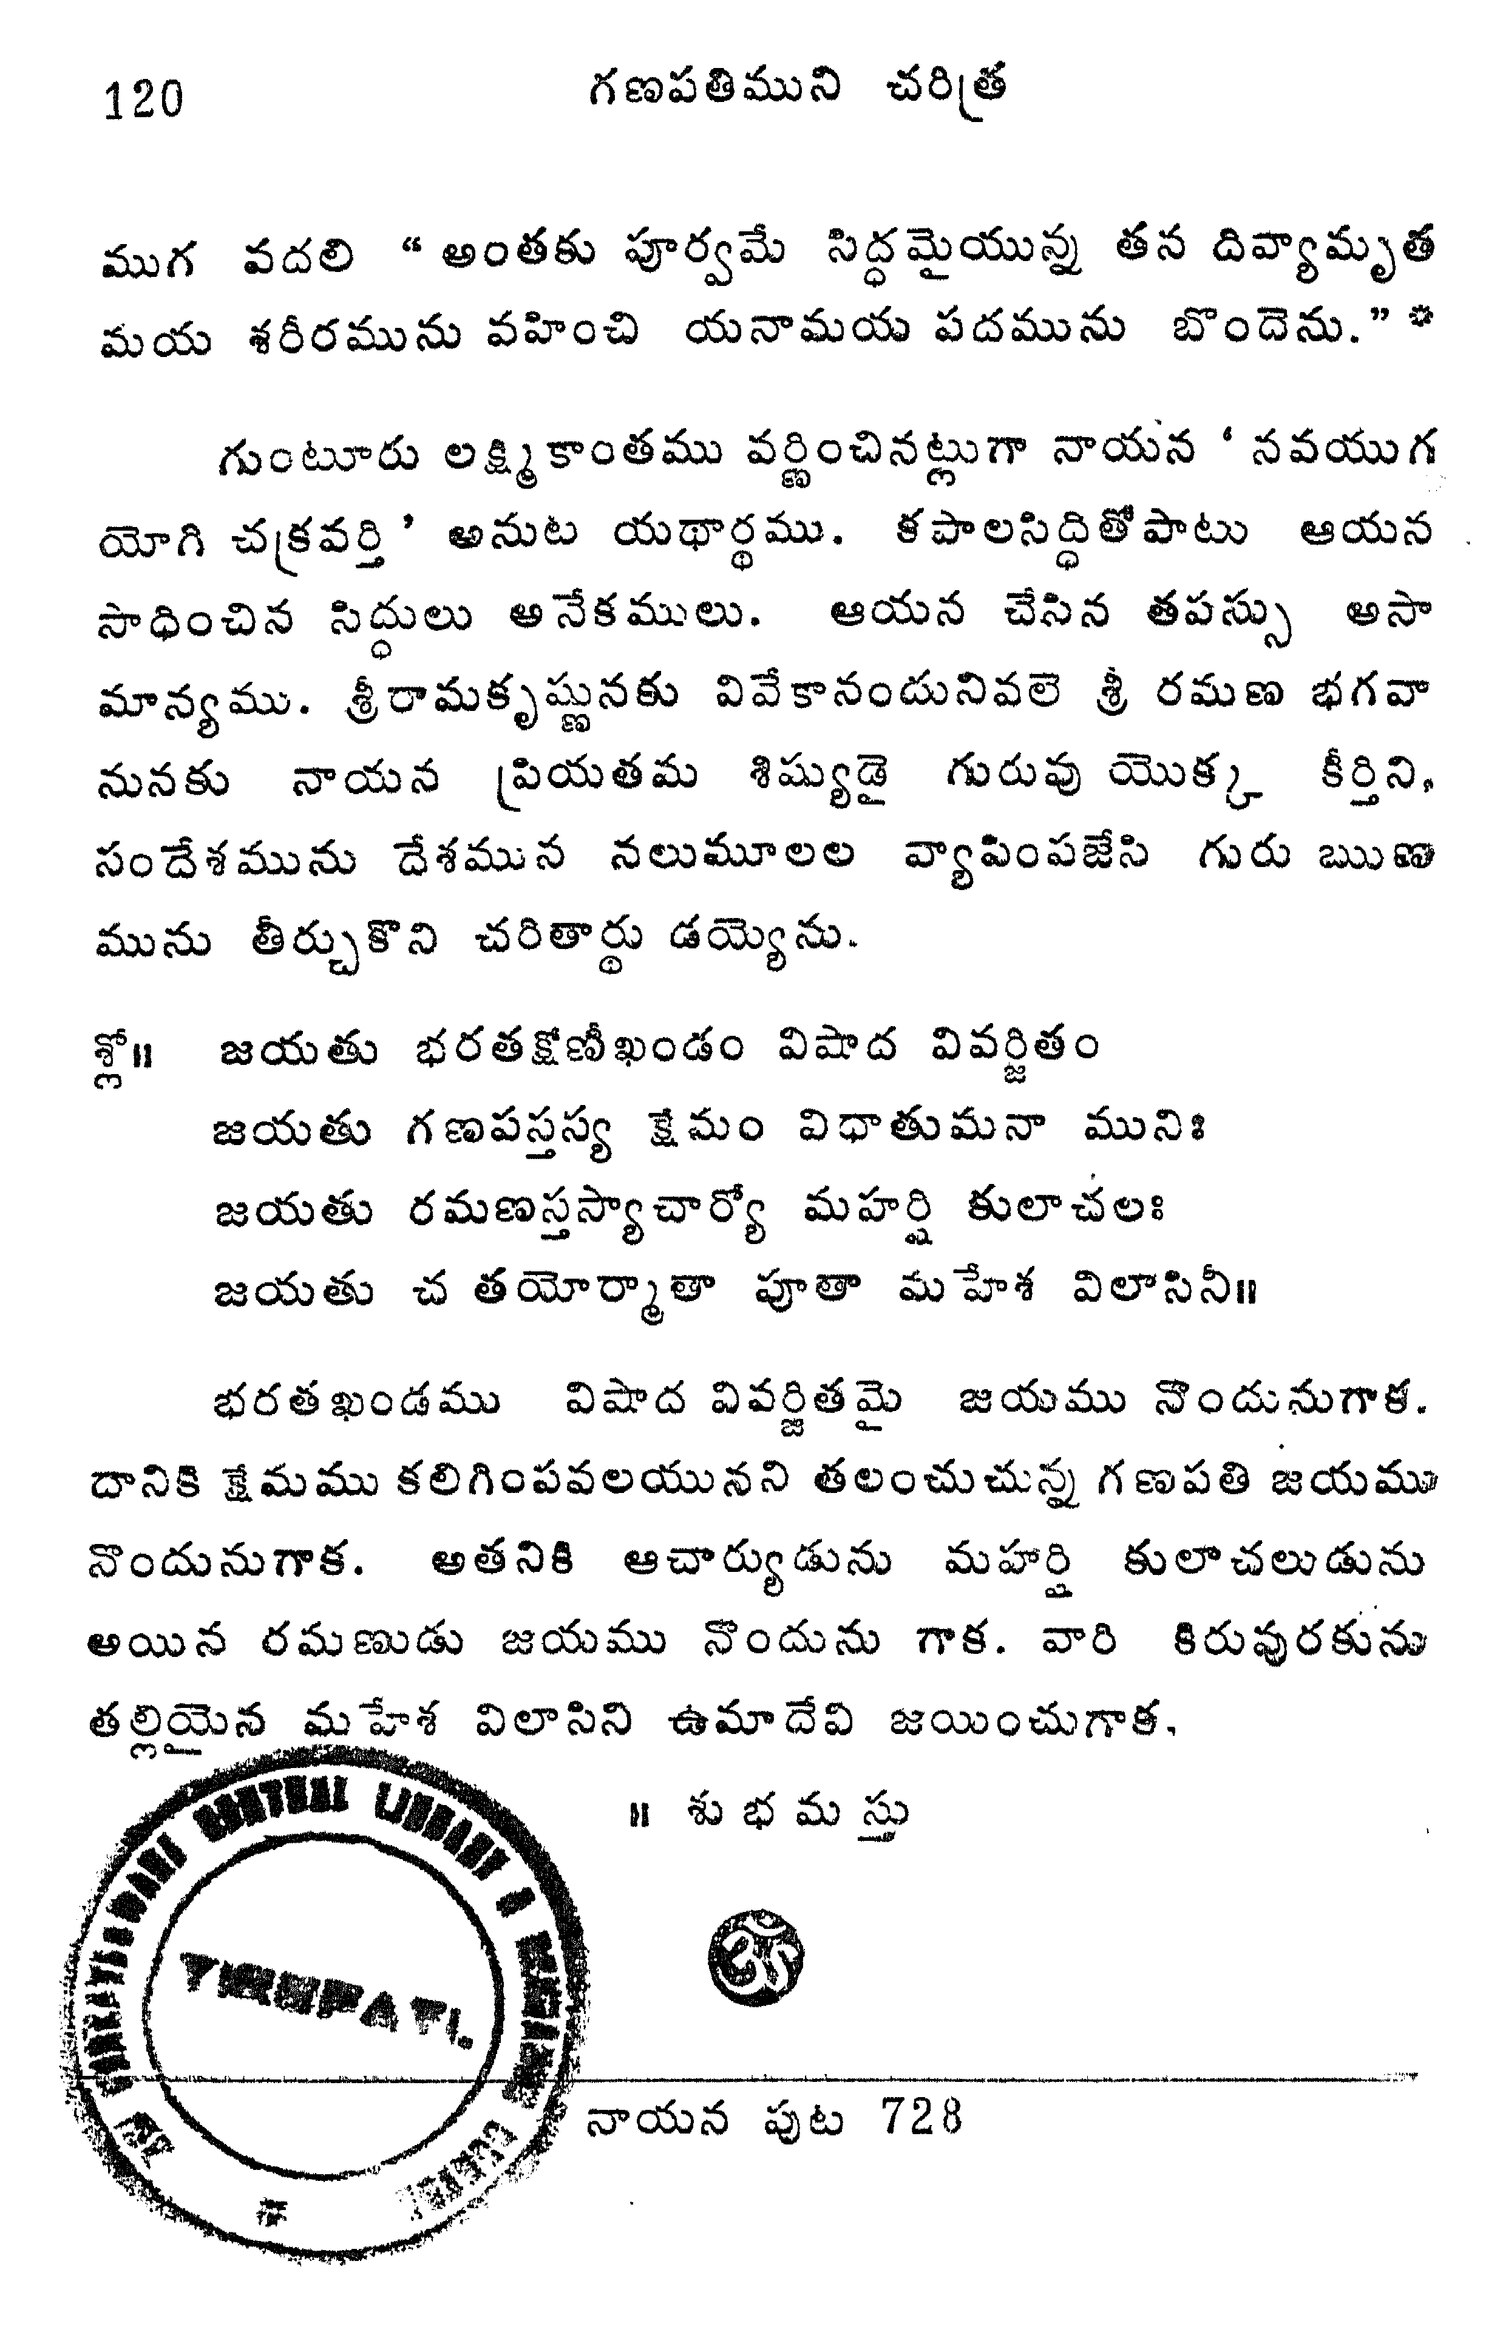ముగ వదలి "అంతకు పూర్వమే సిద్దమైయున్న తన దివ్యామృతమయ శరీరమును వహించి యనామయ పదమును బొందెను."*

గుంటూరు లక్ష్మికాంతము వర్ణించినట్లుగా నాయన 'నవయుగ యోగి చక్రవర్తి' అనుట యథార్థము. కపాలసిద్దితోపాటు ఆయన సాధించిన సిద్దులు అనేకములు. ఆయన చేసిన తపస్సు అసామాన్యము. శ్రీరామకృష్ణునకు వివేకానందునివలె శ్రీ రమణ భగవానునకు నాయన ప్రియతమ శిష్యుడై గురువు యొక్క కీర్తిని, సందేశమును దేశమున నలుమూలల వ్యాపింపజేసి గురు ఋణమును తీర్చుకొని చరితార్థు డయ్యెను.

భరతఖండము విషాద వివర్జితమై జయము నొందునుగాక. దానికి క్షేమము కలిగింపవలయునని తలంచుచున్న గణపతి జయము నొందునుగాక. అతనికి ఆచార్యుడును మహర్షి కులాచలుడును అయిన రమణుడు జయము నొందును గాక. వారి కిరువురకును తల్లియైన మహేశ విలాసిని ఉమాదేవి జయించుగాక.